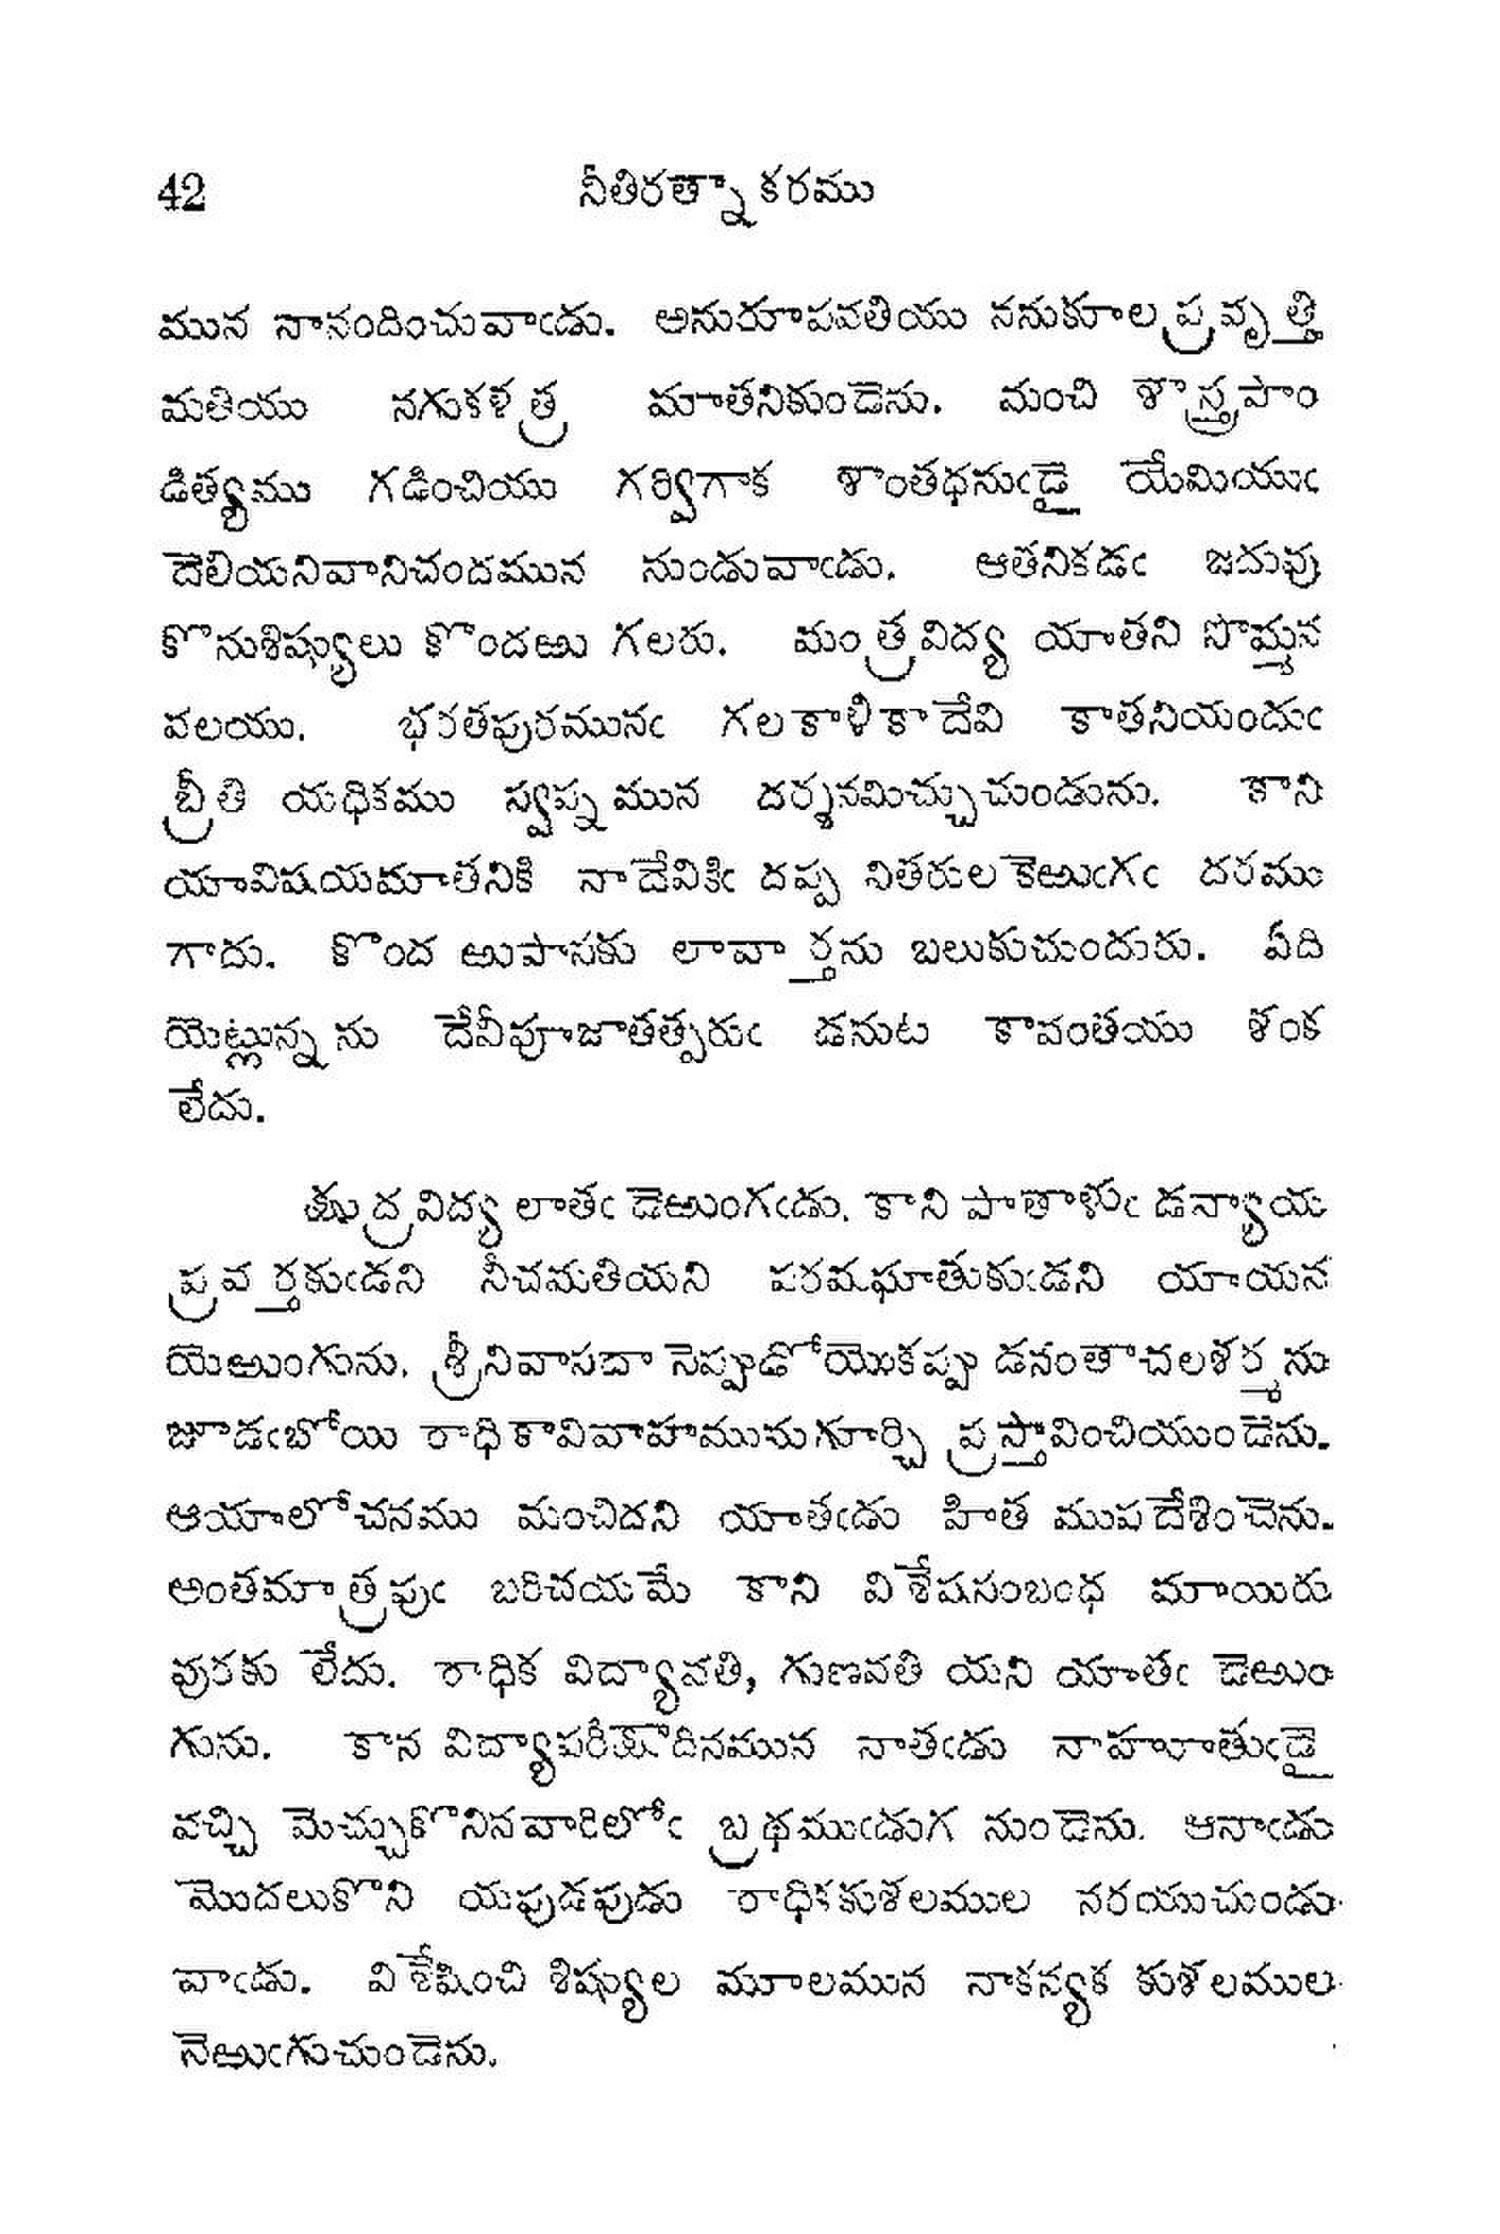మున నానందించువాఁడు. అనురూపవతియు ననుకూల ప్రవృత్తి మతియు నగుకళత్ర మాతనికుండెను. మంచి శాస్త్రపాండిత్యము గడించియు గర్విగాక శాంతధనుఁడై యేమియుఁ దెలియనివాని చందమున నుండువాఁడు. ఆతనికడఁ జదువు కొనుశిష్యులు కొందఱు గలరు. మంత్ర విద్య యాతని సొమ్మన వలయు. భరతపురమునఁ గల కాళికాదేవి కాతనియందుఁ బ్రీతి యధికము స్వప్న మున దర్శనమిచ్చుచుండును. కాని యావిషయమాతనికి నా దేవికిఁ దప్ప నితరుల కెఱుఁగఁ దరము గాదు. కొంద ఱుపాసకు లావార్తను బలుకుచుందురు. ఏది యెట్లున్నను దేవీ పూజాతత్పరుఁ డనుట కావంతయు శంక లేదు.

క్షుద్రవిద్య లాతఁ డెఱుంగఁడు. కాని పాతాళుఁ డన్యాయ ప్రవర్తకుఁడని నీచమతియని పరమఘాతుకుడని యాయన యెఱుంగును, శ్రీనివాసదా సెప్పుడో యొకప్పుడనంతాచలశర్మను జూడఁబోయి రాధికా వివాహమునుగూర్చి ప్రస్తావించియుండెను. ఆయాలోచనము మంచిదని యాతఁడు హిత ముపదేశించెను. అంతమాత్రపుఁ బరిచయమే కాని విశేషసంబంధ మాయిరు వురకు లేదు. రాధిక విద్యావతి, గుణవతి యని యాతఁ డెఱుంగును. కాన విద్యాపరీక్షా దినమున నాతఁడు నాహూతుఁడై వచ్చి మెచ్చుకొనిన వారిలోఁ బ్రథముఁడుగ నుండెను. ఆనాడు మొదలుకొని యపుడపుడు రాధిక కుశలముల నరయుచుండు వాఁడు. విశేషించి శిష్యుల మూలమున నాకన్యక కుశలముల నెఱుఁగుచుండెను.